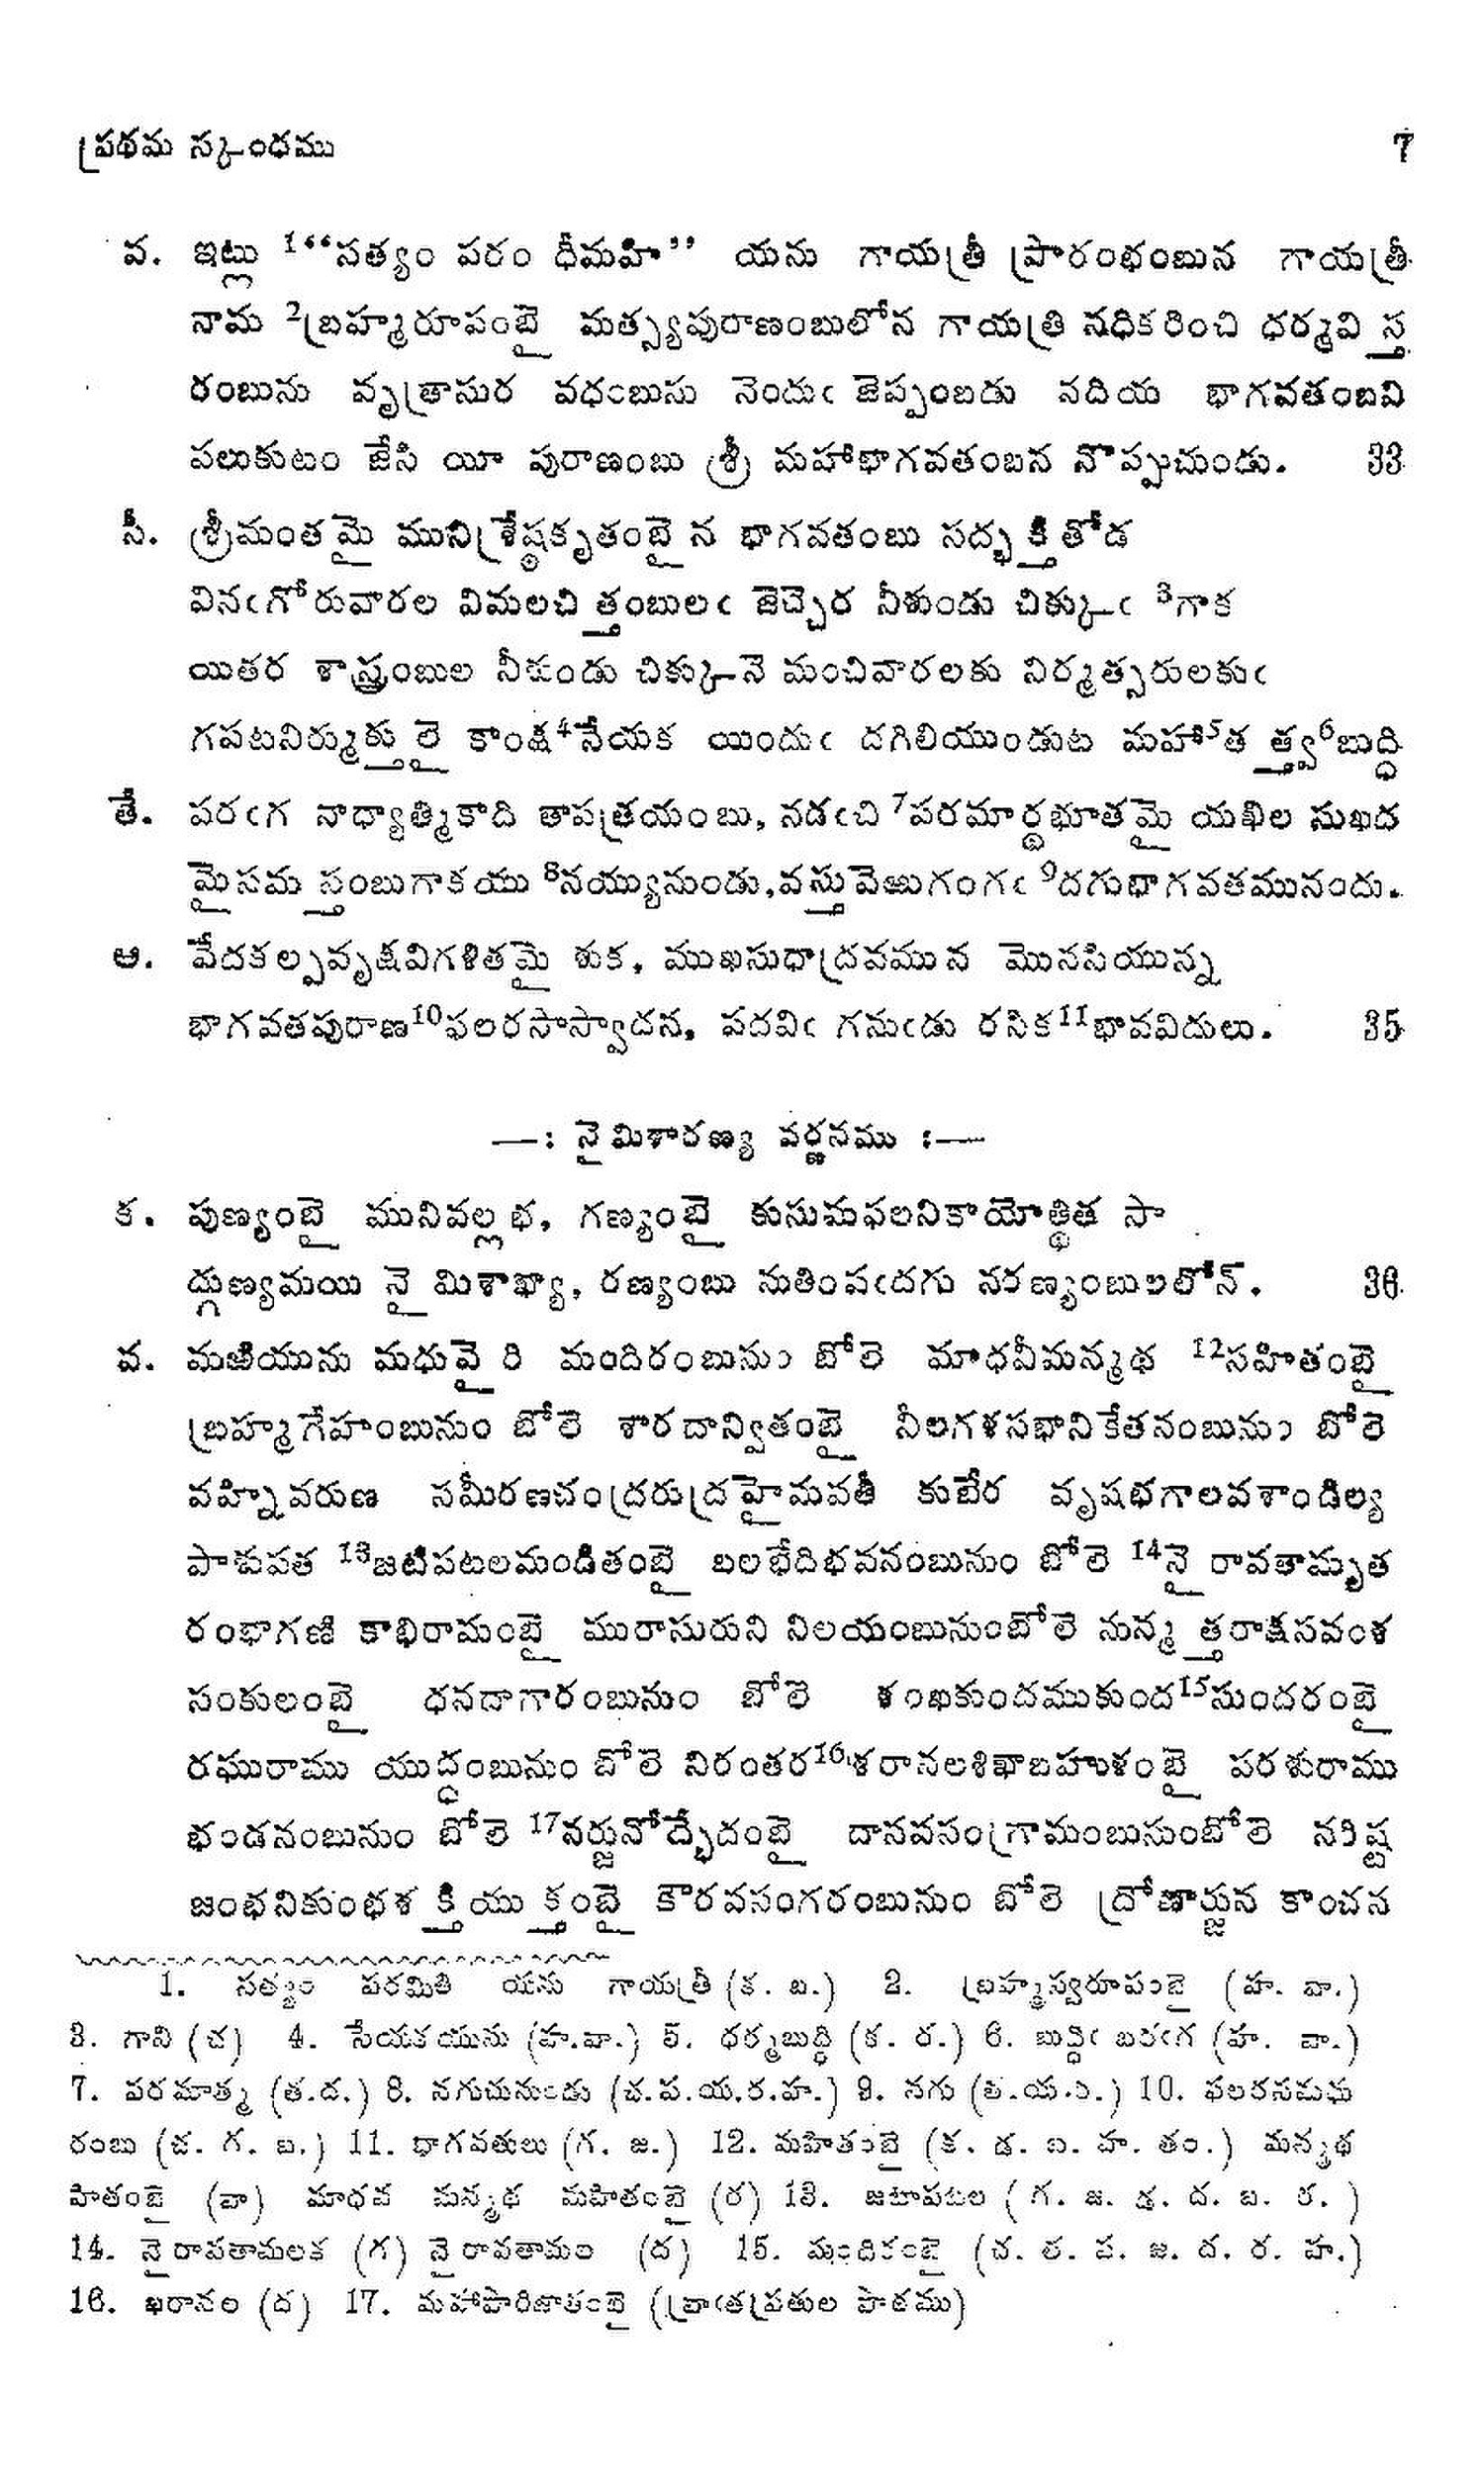33

వ. ఇట్లు "సత్యమ్ పరమ్ ధీమహి" యను గాయత్రీ ప్రారంభంబున గాయత్రీ నామ బ్రహ్మరూపంబై మత్స్యపురాణంబులోన గాయత్రి నధికరించి ధర్మవిస్తరంబును వృత్రాసుర వధంబును నెందుఁ జెప్పంబడు నదియ భాగవతంబని పలుకుటం జేసి ఈ పురాణంబు శ్రీమహాభాగవతంబన నొప్పుచుండు. (1-33)

సీ. శ్రీమంతమై మునిశ్రేష్ఠ కృతంబైన, భాగవతంబు సద్భక్తి తోడ

వినఁగోరువారల విమలచిత్తంబులఁ జెచ్చెర నీశుండు చిక్కుఁ గాక

యితర శాస్త్రంబుల నీశుండు సిక్కునే ? మంచివారలకు నిర్మత్సరులకుఁ

గపట నిర్ముక్తులై కాంక్ష సేయక యిందుఁ దగిలియుంట మహాతత్త్వబుద్ధి

తే.గీ. పరఁగ నాధ్యాత్మికాది తాపత్రయంబు, నడచి పరమార్థభూతమై యఖిల సుఖద

మై సమస్తంబు గాకయు నయ్యు నుండు, వస్తు వెఱుఁగంగఁదగు భాగవతమునందు. (1-34)

ఆ.వె. వేదకల్పవృక్ష విగళితమై శుక, ముఖ సుధాద్రవమున మొనసి యున్న

భాగవత పురాణ ఫల రసాస్వాదన, పదవిఁ గనుఁడు రసిక భావవిదులు. (1-35)

కం. పుణ్యంబై మునివల్లభ

గణ్యంబై కుసుమ ఫల నికాయోత్థిత సా

ద్గుణ్యమయి నైమిశాఖ్యా

రణ్యంబు నుతింపఁదగు నరణ్యంబులలోన్.(1-36)

వ. మఱియును మధువైరి మందిరంబునుం బోలె మాధవీమన్మథ సహితంబై బ్రహ్మగేహంబునుం బోలె శారదాన్వితంబై నీళగళసభానికేతనంబునుం బోలె వహ్ని వరుణ సమీరణ చంద్ర రుద్ర హైమవతీ కుబేర వృషభ గాలవ శాండిల్య పాశుపత జటిపటల మండితంబై బలభేది భవనంబునుం బోలె నైరావతామృత రంభా గణికాభిరామంబై మురాసురుని నిలయంబునుం బోలె నున్మత్త రాక్షస వంశ సంకులంబై ధనదాగారంబునుం బోలె శంఖ కుంద ముకుంద సుందరంబై రఘురాము యుద్ధంబునుం బోలె నిరంతర శరానల శిఖా బహుళంబై పరశురాము భండనంబునుం బోలె నర్జునోద్భేదంబై దానవ సంగ్రామంబునుం బోలె నరిష్ట జంభ నికుంభ శక్తియుక్తంబై కౌరవసంగరంబునుం బోలె ద్రోణార్జున కాంచన